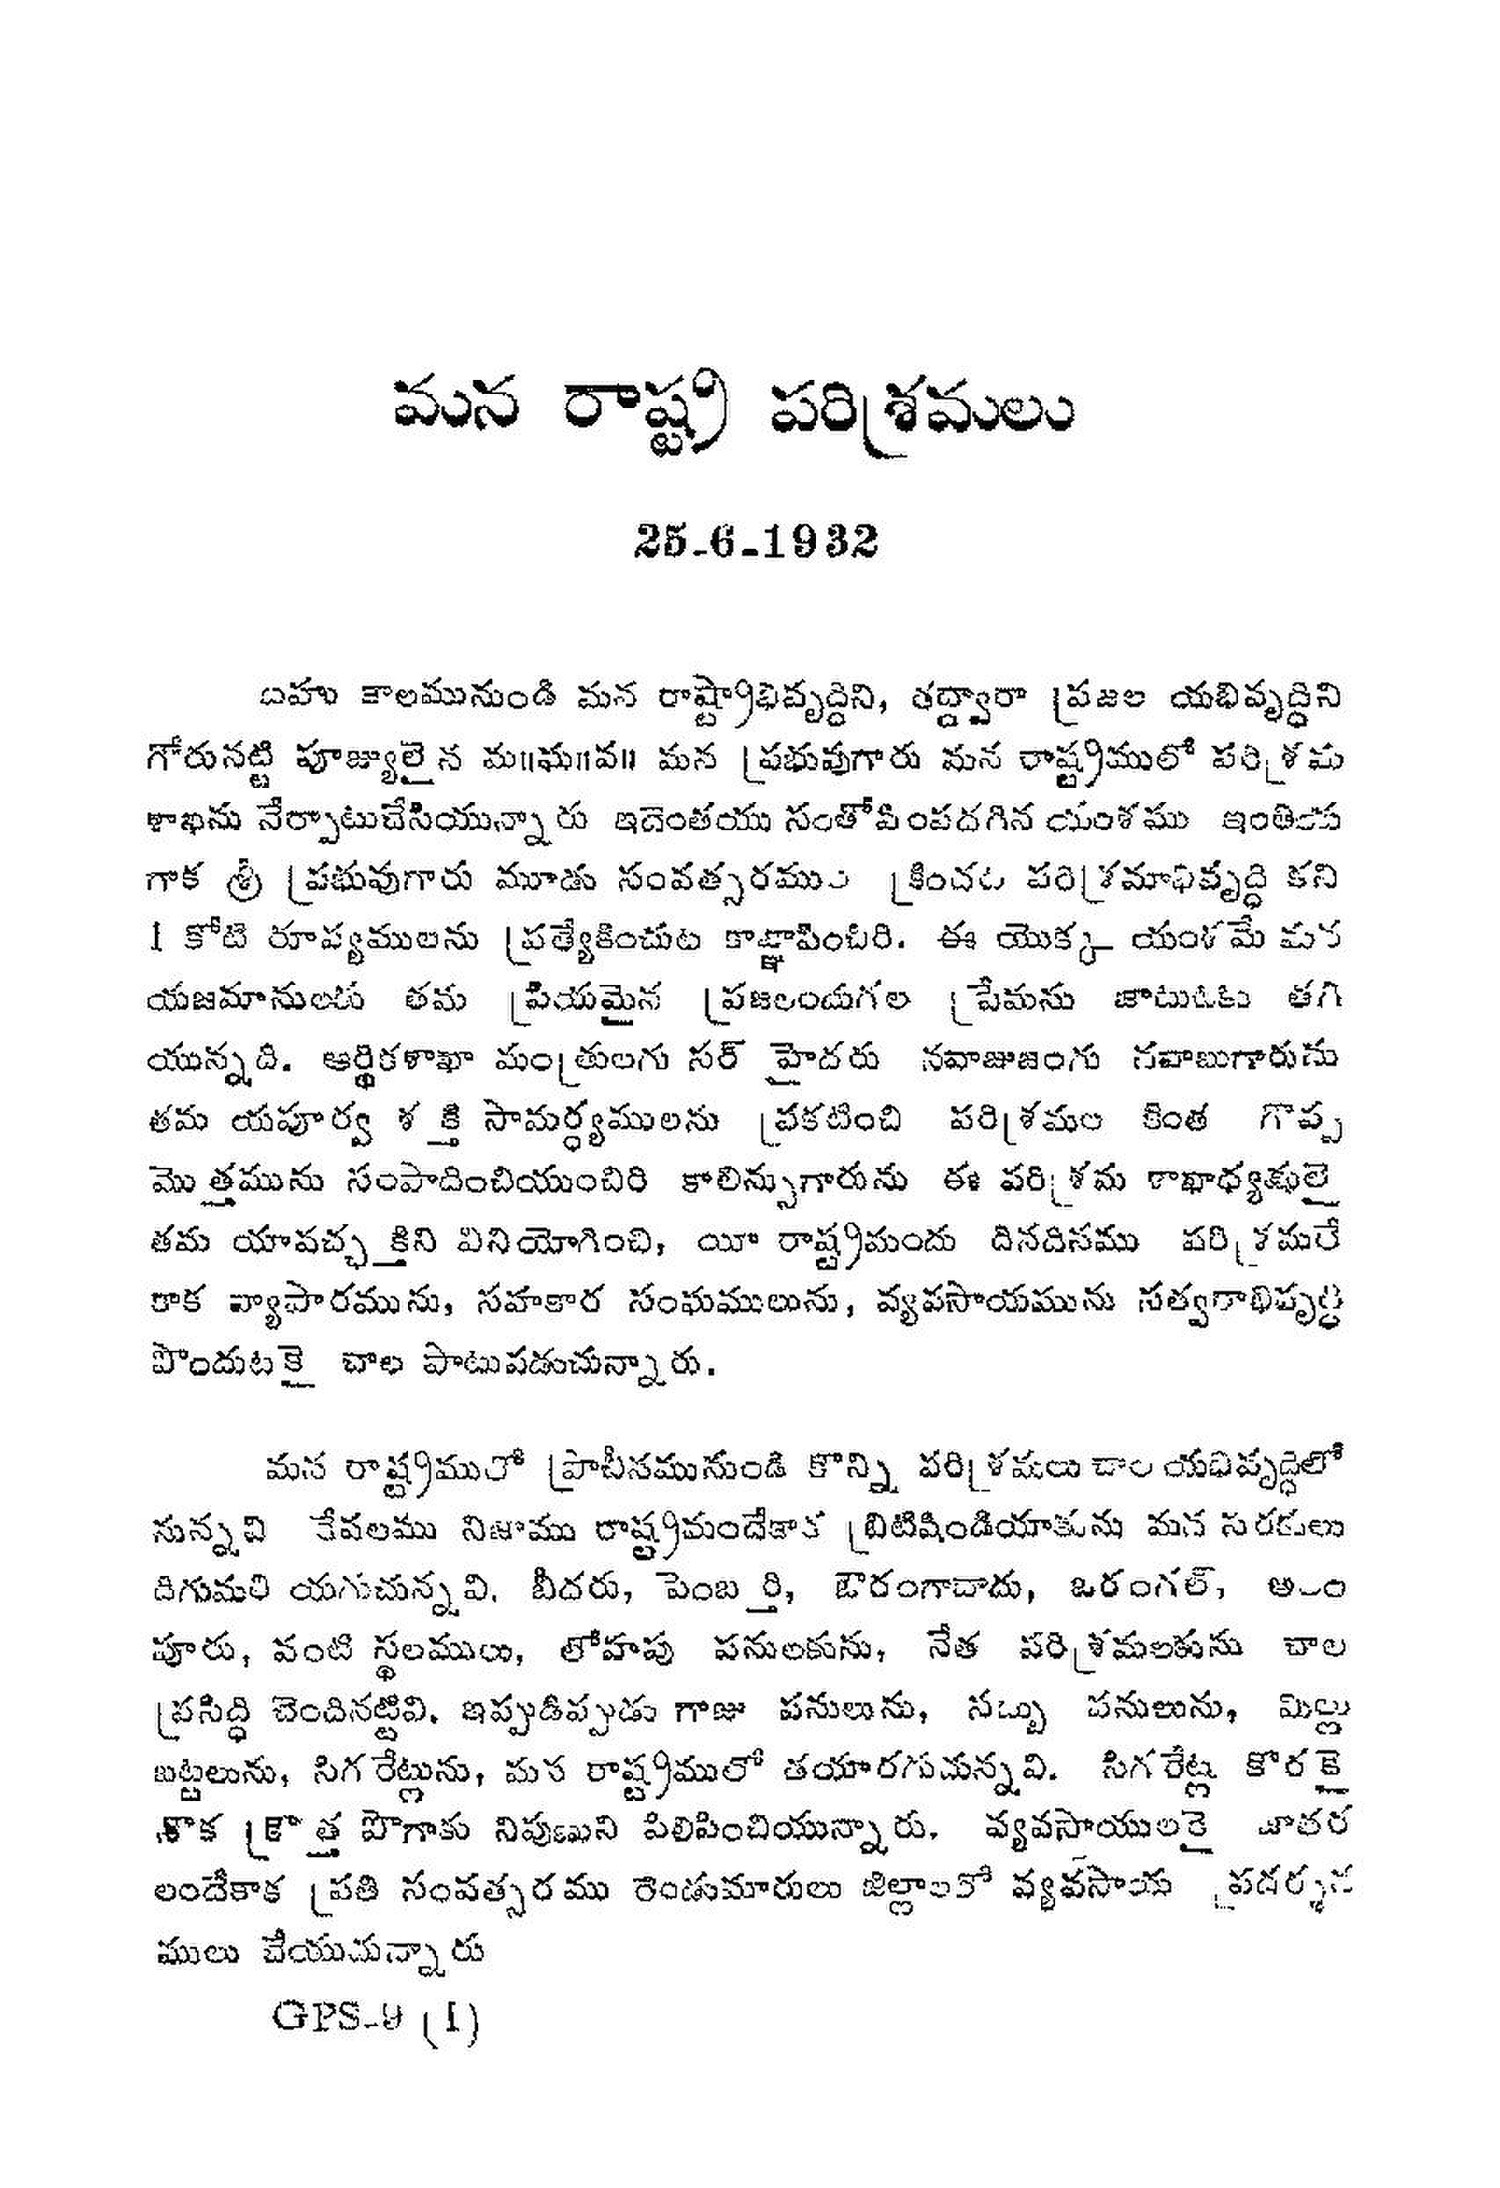మన రాష్ట్ర పరిశ్రమలు

25 - 6 - 1932

బహు కాలమునుండి మన రాష్ట్రాభివృద్ధిని, తద్వారా ప్రజల యభివృద్ధిని గోరునట్టి పూజ్యులైన మ॥ఘ॥వ॥ మన ప్రభువుగారు మన రాష్ట్రములో పరిశ్రమ శాఖను నేర్పాటుచేసియున్నారు ఇదెంతయు సంతోషింపదగిన యంశము ఇంతియ గాక శ్రీ ప్రభువుగారు మూడు సంవత్సరముల క్రిందట పరిశ్రమాభివృద్ధి కని 1 కోటి రూప్యములను ప్రత్యేకించుట కాజ్ఞాపించిరి. ఈ యొక్క యంశమే మన యజమానులకు తమ ప్రియమైన ప్రజలందుగల ప్రేమను జాటుటకు తగియున్నది. ఆర్థికశాఖా మంత్రులగు సర్ హైదరు నవాజుజంగు నవాబుగారును తమ యపూర్వ శక్తి సామర్ధ్యములను ప్రకటించి పరిశ్రమల కింత గొప్ప మొత్తమును సంపాదించియుంచిరి కాలిన్సుగారును ఈ పరిశ్రమ శాఖాధ్యక్షులై తమ యావచ్ఛక్తిని వినియోగించి, యీ రాష్ట్రమందు దినదినము పరిశ్రమలే కాక వ్యాపారమును, సహకార సంఘములును, వ్యవసాయమును సత్వరాభివృద్ధి పొందుటకై చాల పాటుపడుచున్నారు.

మన రాష్ట్రములో ప్రాచీనమునుండి కొన్ని పరిశ్రమలు చాల యభివృద్ధిలో నున్నవి కేవలము నిజాము రాష్ట్రమందేకాక బ్రిటిషిండియాకును మన సరకులు దిగుమతి యగుచున్నవి. బీదరు, పెంబర్తి, ఔరంగాబాదు, ఒరంగల్, ఆలంపూరు, వంటి స్థలములు, లోహపు పనులకును, నేత పరిశ్రమలకును చాల ప్రసిద్ధి చెందినట్టివి. ఇప్పుడిప్పుడు గాజు పనులును, సబ్బు పనులును, మిల్లు బట్టలును, సిగరేట్లును, మన రాష్ట్రములో తయారగుచున్నవి. సిగరేట్లు కొరకై
కొక క్రొత్త పొగాకు నిపుణుని పిలిపించియున్నారు. వ్యవసాయులకై జాతరలందేకాక ప్రతి సంవత్సరము రెండుమారులు జిల్లాలలో వ్యవసాయ ప్రదర్శనములు చేయుచున్నారు